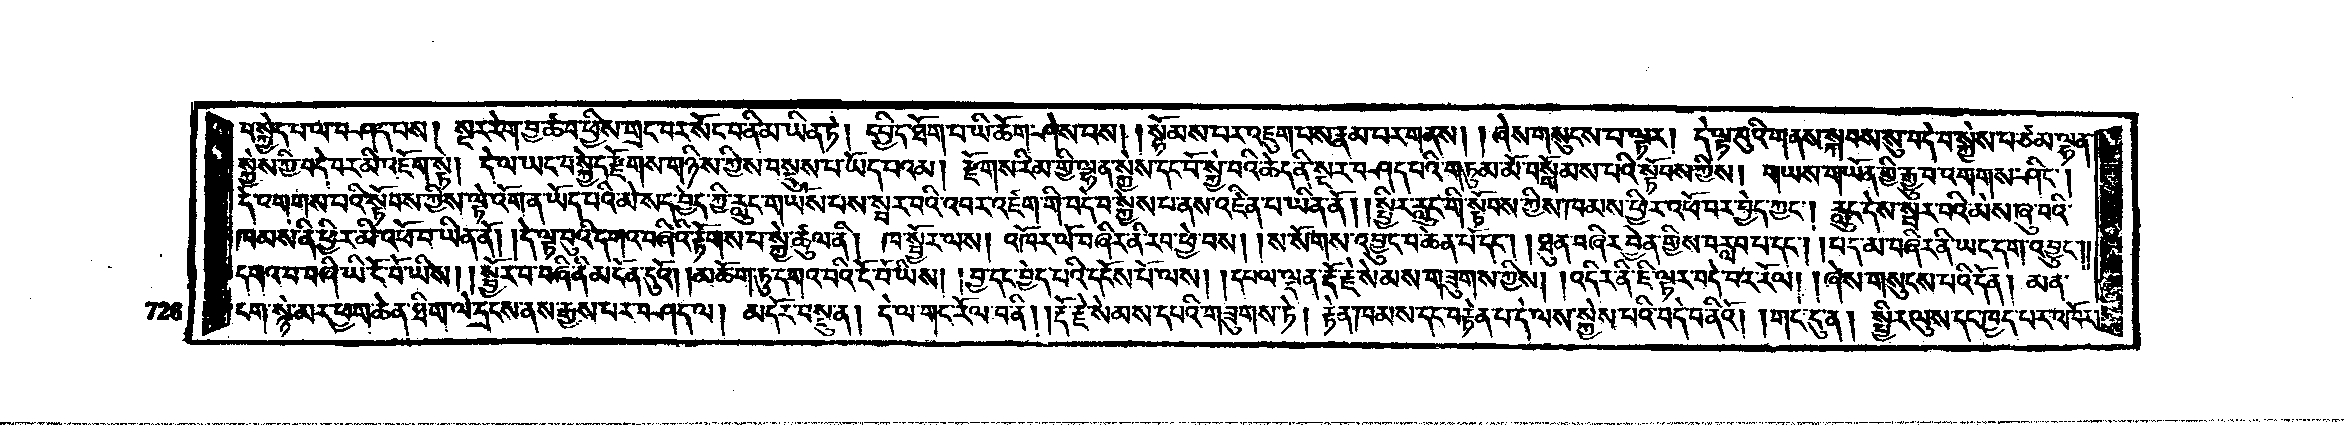བསྐྱེད་པ་ལ་བཤད་པས། སྔར་རེག་བྱ་ཚབ་ཕྱིས་གྲང་བར་སོང་བ་ནི་མ་ཡིན་ཏེ། དཔྱིད་ཐོག་པ་ཡི་ཆོག་ཤེས་པས། །སྙོམས་པར་འཇུག་པས་རྣམ་པར་གནས། །ཞེས་གསུངས་པ་ལྟར། དེ་ལྟ་བུའི་གནས་སྐབས་སུ་བདེ་བ་སྐྱེས་པ་ཙམ་ལྷན་
སྐྱེས་ཀྱི་བདེ་བར་མི་འཇོག་སྟེ། དེ་ལ་ཡང་བསྐྱེད་རྫོགས་གཉིས་ཀྱིས་བསྡུས་པ་ཡོད་པའམ། རྫོགས་རིམ་གྱི་ལྷན་སྐྱེས་དང་པོ་སྐྱེ་བའི་ཆེད་ནི་སྔར་བཤད་པའི་གཏུམ་མོ་བསྒོམས་པའི་སྟོབས་ཀྱིས། གཡས་གཡོན་གྱི་རྒྱུ་བ་འགགས་ཤིང་།
དེ་འགགས་པའི་སྟོབས་ཀྱིས་ལྟེ་འོག་ན་ཡོད་པའི་མེ་སད་བྱེད་ཀྱི་རླུང་གཡོས་པས་སྦར་བའི་འབར་འཛག་གི་བདེ་བ་སྐྱེས་པ་ནས་འཛིན་པ་ཡིན་ནོ། །སྤྱིར་རླུང་གི་སྟོབས་ཀྱིས་ཁམས་ཕྱིར་འཕོ་བར་བྱེད་ཀྱང་། རླུང་དེས་སྦར་བའི་མེས་ཞུ་བའི་
ཁམས་ནི་ཕྱིར་མི་འཕོ་བ་ཡིན་ནོ། །དེ་ལྟ་བུའི་དགའ་བཞིའི་རྟོགས་པ་སྐྱེ་ཚུལ་ནི། ཁ་སྦྱོར་ལས། འཁོར་ལོ་བཞིར་ནི་རབ་ཕྱེ་བས། །ས་སོགས་འབྱུང་བ་ཆེན་པོ་དང་། །ཐུན་བཞིར་བྱིན་གྱིས་བརླབ་པ་དང་། །པད་མ་བཞིར་ནི་ཡང་དག་འབྱུང་། །
དགའ་བ་བཞི་ཡི་ངོ་བོ་ཡིས། །སྦྱོར་བ་བཞི་ནི་མངོན་དུའོ། །མཆོག་ཏུ་དགའ་བའི་ངོ་བོ་ཡིས། །བྱ་དང་བྱེད་པའི་དངོས་པོ་ལས། །དཔལ་ལྡན་རྡོ་རྗེ་སེམས་གཟུགས་ཀྱིས། །འདིར་ནི་ཇི་ལྟར་བདེ་བར་རོལ། །ཞེས་གསུངས་པའི་དོན། མན་
ངག་སྙེ་མར་ཕྱག་ཆེན་ཐིག་ལེ་དྲངས་ནས་རྒྱས་པར་བཤད་ལ། མདོར་བསྡུ་ན། དེ་ལ་གང་རོལ་བ་ནི། །རྡོ་རྗེ་སེམས་དཔའི་གཟུགས་ཏེ། རྟེན་ཁམས་དང་བརྟེན་པ་དེ་ལས་སྐྱེས་པའི་བདེ་བ་ནིའོ། །གང་དུ་ན། སྤྱིར་ལུས་དང་ཁྱད་པར་འཁོར་